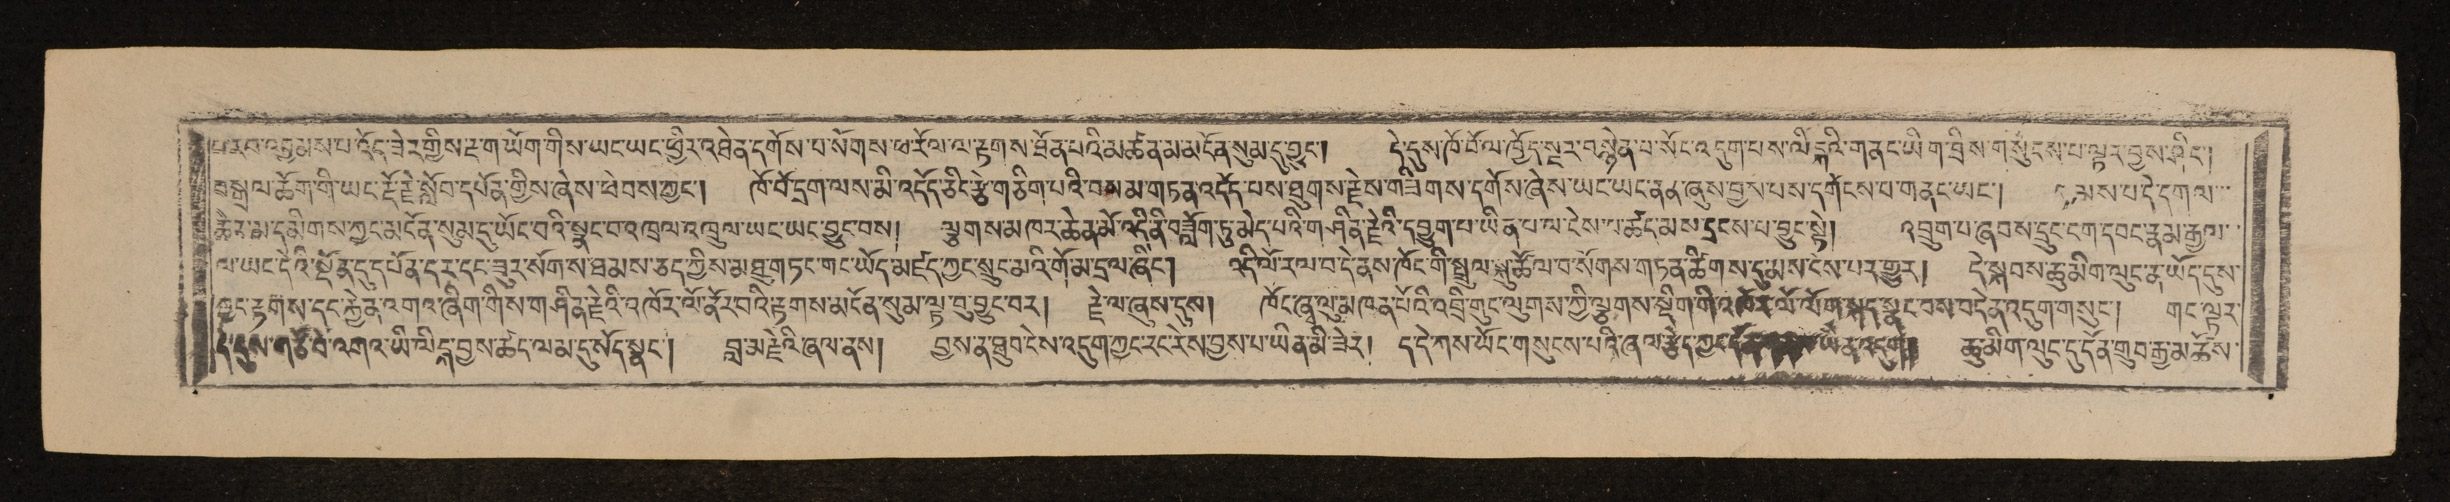པ་རབ་འབྱམས་པ་འོད་ཟེར་གྱིས་རྔ་གཡོག་གིས་ཡང་ཡང་ཕྱིར་འཐེན་དགོས་པ་སོགས་ཕ་རོལ་ལ་རྟགས་ཐོན་པའི་མཚན་མ་མངོན་སུམ་དུ་བྱུང་། དེ་དུས་ཁོ་བོ་ལ་ཁྱོད་སྔར་བསྙེན་པ་སོང་འདུག་པས་ལིངྐའི་གནད་ཡིག་བྲིས་གསུངས་པ་ལྟར་བྱས་ཤིང་།
བསྒྲལ་ཆོག་གི་ཡང་རྡོ་རྗེ་སློབ་དཔོན་གྱིས་ཞེས་ཕེབས་ཀྱང་། ཁོ་བོ་དྲག་ལས་མི་འདོད་ཅིང་རྩེ་གཅིག་པའི་བསམ་གཏན་འདོད་པས་ཐུགས་རྗེས་གཟིགས་དགོས་ཞེས་ཡང་ཡང་ནན་ཞུས་བྱས་པས་དགོངས་པ་གནང་ཡང་། ཉམས་པ་དེ་དག་ལ་
ཆེར་མ་དམིགས་ཀྱང་མངོན་སུམ་དུ་ཡོང་བའི་སྣང་བ་འཁྲལ་འཁྲུལ་ཡང་ཡང་བྱུང་བས། ལྕགས་མཁར་ཆེན་མོ་འདི་ནི་བཟློག་ཏུ་མེད་པའི་གཤིན་རྗེའི་དབྱུག་པ་ཡིན་པ་ལ་ངེས་པ་ཚད་མས་དྲངས་པ་བྱུང་སྟེ། འབྲུག་པ་ཞབས་དྲུང་ངག་དབང་རྣམ་རྒྱལ་
ལ་ཡང་དེའི་སྔོན་དུ་དཔོན་དར་དང་ཟུར་སོགས་ཐམས་ཅད་ཀྱིས་མཐུ་གཏད་གང་ཡོད་མཛད་ཀྱང་སྲུང་མའི་གོ་མ་དྲལ་ཞིང་། འདི་ལོ་རལ་བ་དེ་ནས་ཁོང་གི་སྤྲུལ་སྐུ་ཚོལ་བ་སོགས་གཏན་ཚིགས་དུ་མས་ངེས་པར་གྱུར། དེ་སྐབས་ཆུ་མིག་ལུང་ན་ཡོད་དུས་
ཀྱང་རྟགས་དང་རྐྱེན་འགའ་ཞིག་གིས་གཤིན་རྗེའི་འཁོར་ལོ་ནོར་བའི་རྟགས་མངོན་སུམ་ལྟ་བུ་བྱུང་བར། རྗེ་ལ་ཞུས་དུས། ཁོང་ཞྭ་ལུ་མཁན་པོའི་འབྲི་གུང་ལུགས་ཀྱི་ལྕགས་སྡིག་གི་འཁོར་ལོ་ལོག་སྐད་སྣང་བས་བདེན་འདུག་གསུང་། གང་ལྟར་
དེ་དུས་གཙོ་བོ་འགའ་ཡི་ལིད་བྱས་ཚང་ལམ་དུ་སོང་སྣང་། བླ་མ་རྗེའི་ཞལ་ནས། བྱས་ན་ཐུབ་ངེས་འདུག་ཀྱང་རང་རེས་བྱས་པ་ཡིན་མི་ཟེར། ད་དེ་ཀས་ཡོང་གསུངས་པའི་ཞལ་རྩེད་ཀྱང་དོན་གནས་ཡིན་འདུག། ཆུ་མིག་ལུང་དུ་དོན་གྲུབ་རྒྱ་མཚོས་